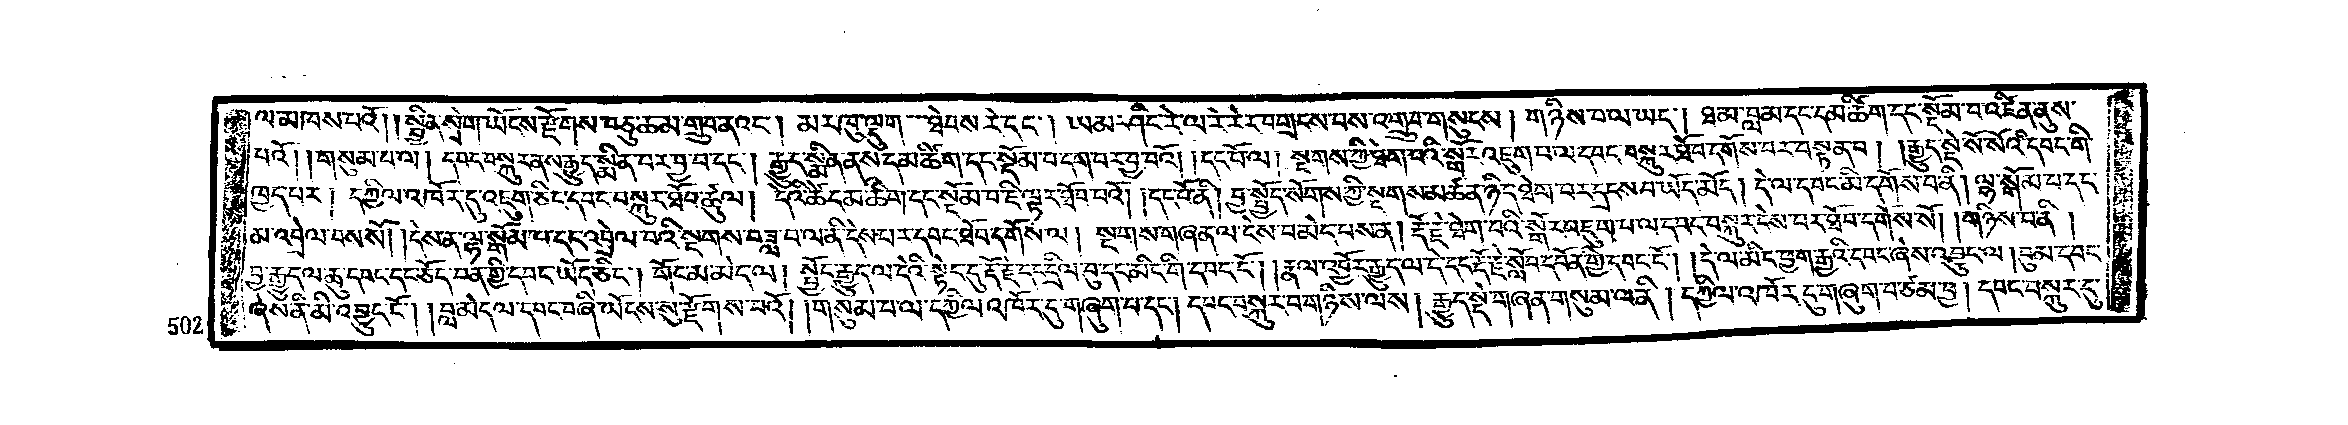ལ་མཁས་པའོ། །སྦྱིན་སྲེག་ཡོངས་རྫོགས་བཅུ་ཆམ་གྲུབ་ནའང་། མར་ཁུ་ལྡུག་ཐེབས་རེ་དང་། ཡམ་ཤིང་རེ་ལ་རེ་རེར་བགྲངས་པས་འགྲུབ་གསུངས། གཉིས་པ་ལ་ཡང་། ཐ་མ་བླ་མ་དང་དམ་ཚིག་དང་སྡོམ་པ་འཛིན་ནུས་
པའོ། །གསུམ་པ་ལ། དབང་བསྐུར་ནས་རྒྱུད་སྨིན་པར་བྱ་བ་དང་། རྒྱུད་སྨིན་ནས་དམ་ཚིག་དང་སྡོམ་པ་དག་པར་བྱ་བའོ། །དང་པོ་ལ། སྔགས་ཀྱི་ཐེག་པའི་སྒོར་འཇུག་པ་ལ་དབང་བསྐུར་ཐོབ་དགོས་པར་བསྟན་པ། །རྒྱུད་སྡེ་སོ་སོའི་དབང་གི་
ཁྱད་པར། དཀྱིལ་འཁོར་དུ་འཇུག་ཅིང་དབང་བསྐུར་ཐོབ་ཚུལ། དེའི་ཚེ་དམ་ཚིག་དང་སྡོམ་པ་ཇི་ལྟར་ཐོབ་པའོ། །དང་པོ་ནི། བྱ་སྤྱོད་སོགས་ཀྱི་སྔགས་མཚན་ཉིད་ཐེག་པར་དྲངས་པ་ཡོད་མོད། དེ་ལ་དབང་མི་དགོས་པ་ནི། ལྷ་སྒོམ་པ་དང་
མ་འབྲེལ་བས་སོ། །དེས་ན་ལྷ་སྒོམ་པ་དང་འབྲེལ་བའི་སྔགས་བཟླ་བ་ལ་ནི་དེས་པར་དབང་ཐོབ་དགོས་ལ། སྔགས་གཞན་ལ་ངེས་པ་མེད་པས་ན། རྡོ་རྗེ་ཐེག་པའི་སྒོར་འཇུག་པ་ལ་དབང་བསྐུར་ངེས་པར་ཐོབ་དགོས་སོ། །གཉིས་པ་ནི།
བྱ་རྒྱུད་ལ་ཆུ་དབང་དང་ཅོད་པན་གྱི་དབང་ཡོད་ཅིང་། གོང་མ་མེད་ལ། སྤྱོད་རྒྱུད་ལ་དེའི་སྟེང་དུ་རྡོ་རྗེ་དང་དྲིལ་བུ་དང་མིང་གི་དབང་ངོ། །རྣལ་འབྱོར་རྒྱུད་ལ་དེ་དང་རྡོ་རྗེ་སློབ་དཔོན་གྱི་དབང་ངོ། །དེ་ལ་མིང་ཕྱག་རྒྱའི་དབང་ཞེས་འབྱུང་ལ། བུམ་དབང་
ཞེས་ནི་མི་འབྱུང་ངོ། །བླ་མེད་ལ་དབང་བཞི་ཡོངས་སུ་རྫོགས་པའོ། །གསུམ་པ་ལ་དཀྱིལ་འཁོར་དུ་གཞུག་པ་དང་། དབང་བསྐུར་བ་གཉིས་ལས། རྒྱུད་སྡེ་གཞན་གསུམ་ལ་ནི། དཀྱིལ་འཁོར་དུ་གཞུག་པ་ཙམ་བྱ། དབང་བསྐུར་དུ་